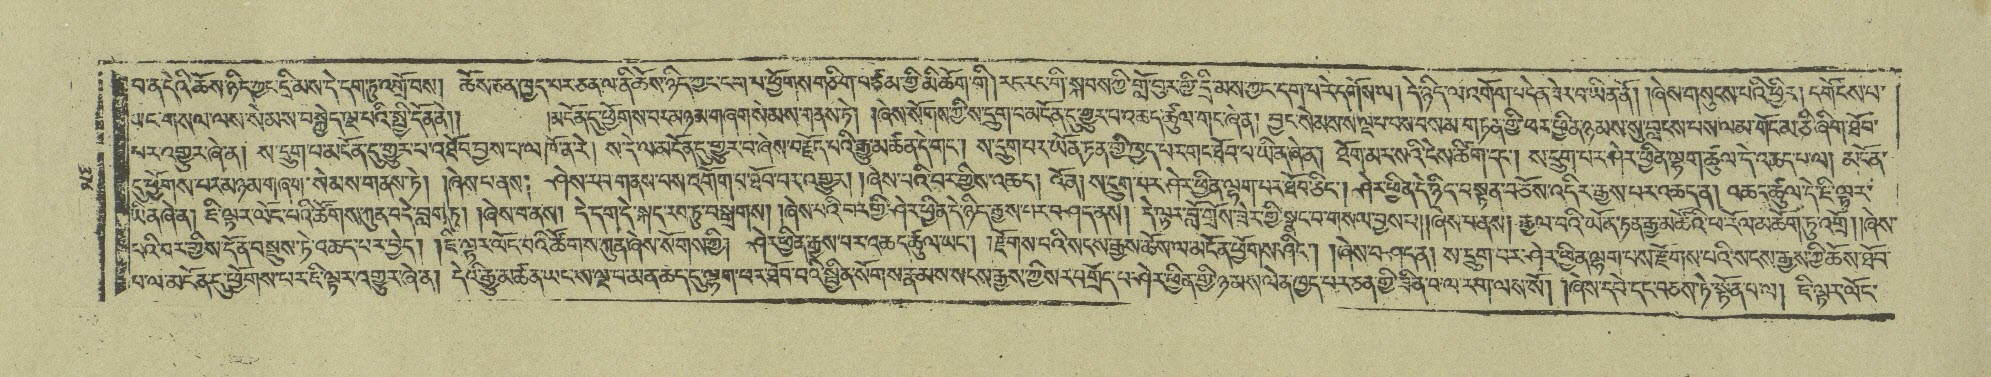བ་ན་དེའི་ཆོས་ཉིད་ཀྱང་དྲི་མས་དེ་དག་ཏུ་འགྲོ་བས། ཆོས་ཅན་ཁྱད་པར་ཅན་ལ་ནི་ཆོས་ཉིད་ཀྱང་དག་པ་ཕྱོགས་གཅིག་པ་ཙམ་གྱི་མི་ཆོག་གི །རང་རང་གི་སྐབས་ཀྱི་གློ་བུར་གྱི་དྲི་མས་ཀྱང་དག་པ་རེ་དགོས་ལ། དེ་ཉིད་ལ་འགོག་བདེན་ཟེར་བ་ཡིན་ནོ། །ཞེས་གསུངས་པའི་ཕྱིར། དགོངས་པ་
ཡང་གསལ་ལས་སེམས་བསྐྱེད་ལྔ་བའི་སྤྱི་དོན་ནོ།། །།མངོན་དུ་ཕྱོགས་པར་མཉམ་གཞག་སེམས་གནས་ཏེ། །ཞེས་སོགས་ཀྱི་ས་དྲུག་མངོན་དུ་གྱུར་པ་འཆད་ཚུལ་གང་ཞེ་ན། བྱང་སེམས་ས་ལྔ་པ་བས་བསམ་གཏན་གྱི་ཕར་ཕྱིན་ཉམས་སུ་བླངས་པས་ལམ་གོང་མ་ཅི་ཞིག་ཐོབ་
པར་འགྱུར་ཞེ་ན། ས་དྲུག་པ་མངོན་དུ་གྱུར་པ་འཐོབ་བྱས་པ་ལ་ཁོ་ན་རེ། ས་དེ་ལ་མངོན་དུ་གྱུར་པ་ཞེས་བརྗོད་པའི་རྒྱུ་མཚན་དེ་གང་། ས་དྲུག་པར་ཡོན་ཏན་གྱི་ཁྱད་པར་གང་ཐོབ་པ་ཡིན་ཞེ་ན། ཐོག་མར་སའི་ངེས་ཚིག་དང་། ས་དྲུག་པར་ཤེར་ཕྱིན་ལྷག་ཚུལ་དེ་འཆད་པ་ལ། མངོན་
དུ་ཕྱོགས་པར་མཉམ་གཞག་སེམས་གནས་ཉེ། །ཞེས་པ་ནས། ཤེས་རབ་གནས་པས་འགོག་པ་ཐོབ་པར་འགྱུར། །ཞེས་པའི་བར་གྱིས་འཆད། འོ་ན། ས་དྲུག་པར་ཤེར་ཕྱིན་ལྷག་པར་ཐོབ་ཅིང་། ཤེར་ཕྱིན་དེ་ཉིད་བསྟན་བཅོས་འདིར་རྒྱས་པར་འཆད་ན། འཆད་ཚུལ་དེ་ཇི་ལྟར་
ཡིན་ཞེ་ན། ཇི་ལྟར་ལོང་པའི་ཚོགས་ཀུན་བདེ་བླག་ཏུ། །ཞེས་པ་ནས། དེ་དག་དེ་སྐད་རབ་ཏུ་བསྒྲགས། །ཞེས་པའི་བར་གྱི་ཤེར་ཕྱིན་དེ་ཉིད་རྒྱས་པར་བཤད་ནས། དེ་ལྟར་བློ་གྲོས་ཟེར་གྱི་སྣང་བ་གསལ་བྱས་པ། །ཞེས་པ་ནས། རྒྱལ་བའི་ཡོན་ཏན་རྒྱ་མཚོའི་ཕ་རོལ་མཆོག་ཏུ་འགྲོ། །ཞེས་
པའི་བར་གྱིས་དོན་བསྡུས་ཏེ་འཆད་པར་བྱེད། །ཇི་ལྟར་ལོང་བའི་ཚོགས་ཀུན་ཞེས་སོགས་ཀྱི། ཤེར་ཕྱིན་རྒྱས་པར་འཆད་ཚུལ་ཡང་། །རྫོགས་པའི་སངས་རྒྱས་ཆོས་ལ་མངོན་ཕྱོགས་ཤིང་། །ཞེས་བཤད་ན། ས་དྲུག་པར་ཤེར་ཕྱིན་ལྷག་པས་རྫོགས་པའི་སངས་རྒྱས་ཀྱི་ཆོས་ཐོབ་
པ་ལ་མངོན་དུ་ཕྱོགས་པར་ཇི་ལྟར་འགྱུར་ཞེ་ན། དེའི་རྒྱུ་མཚན་ཡང་ས་ལྔ་པ་མན་ཆད་དུ་ལྷག་པར་ཐོབ་པའི་སྦྱིན་སོགས་རྣམས་སངས་རྒྱས་ཀྱི་སར་བགྲོད་པ་ཤེར་ཕྱིན་གྱི་ཉམས་ལེན་ཁྱད་པར་ཅན་གྱི་ཟིན་པ་ལ་རག་ལས་སོ། །ཞེས་དཔེ་དང་བཅས་ཏེ་སྟོན་པ་ལ། ཇི་ལྟར་ལོང་